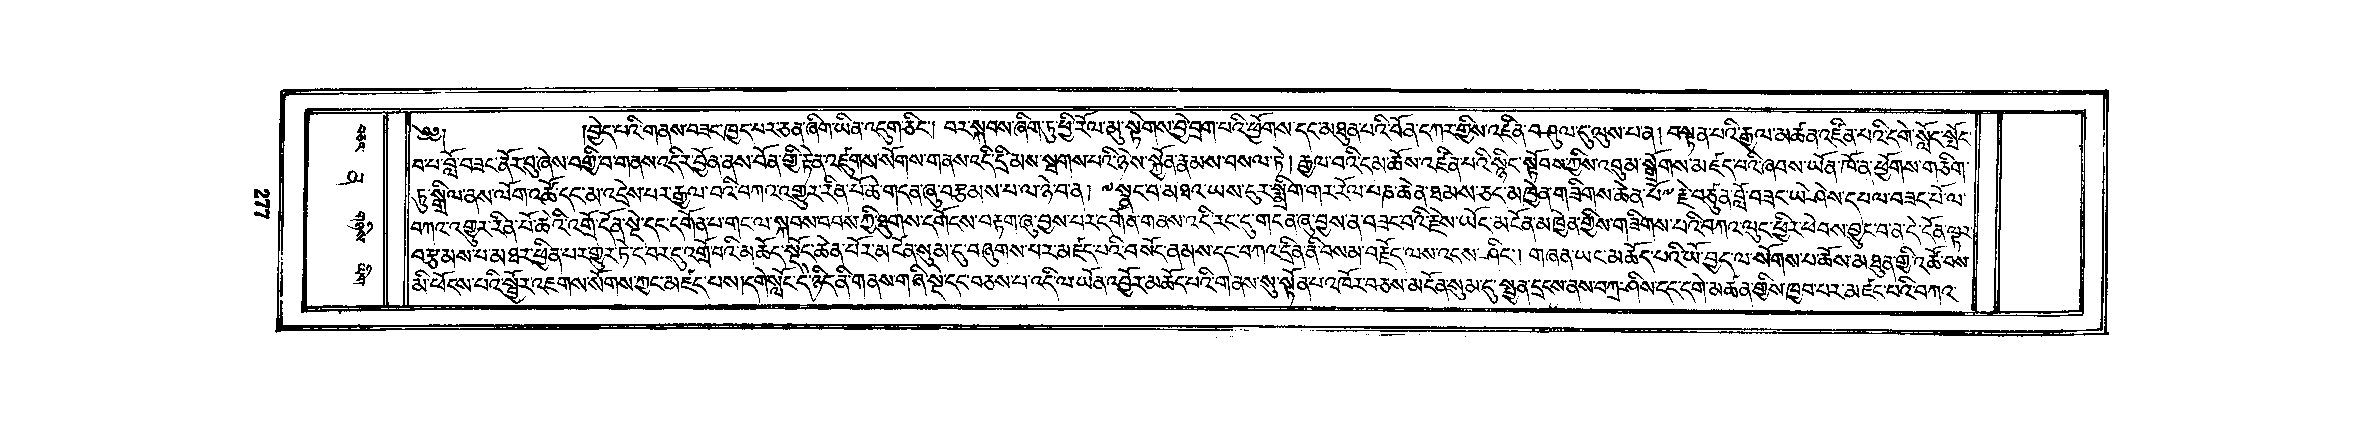༄༅། །བྱེད་པའི་གནས་བཟང་ཁྱད་པར་ཅན་ཞིག་ཡིན་འདུག་ཅིང་། བར་སྐབས་ཞིག་ཏུ་ཕྱི་རོལ་མུ་སྟེགས་བྱེ་བྲག་པའི་ཕྱོགས་དང་མཐུན་པའི་བོན་དཀར་གྱིས་འཛིན་བཤུལ་དུ་ལུས་པ་ན། བསྟན་པའི་རྒྱལ་མཚན་འཛིན་པའི་དགེ་སློང་སྤོང་
བ་པ་བློ་བཟང་ནོར་བུ་ཞེས་བགྱི་བ་གནས་འདིར་བྱོན་ནས་བོན་གྱི་རྟེན་འཛུགས་སོགས་གནས་འདི་དྲི་མས་སྦགས་པའི་ཉེས་སྐྱོན་རྣམས་བསལ་ཏེ། རྒྱལ་བའི་དམ་ཆོས་འཛིན་པའི་སྙིང་སྟོབས་ཀྱིས་འབུམ་སྒྲོགས་མཛད་པའི་ཞབས་ཡོན་ཁོ་ན་ཕྱོགས་གཅིག་
ཏུ་སྒྲིལ་ནས་ལོག་འཚོ་དང་མ་འདྲེས་པར་རྒྱལ་བའི་བཀའ་འགྱུར་རིན་པོ་ཆེ་གདན་ཞུ་བརྩམས་པ་ལ་ཉེ་བ་ན། སྣང་བ་མཐའ་ཡས་ངུར་སྨྲིག་གར་རོལ་པཎ་ཆེན་ཐམས་ཅད་མཁྱེན་གཟིགས་ཆེན་པོ ༧རྗེ་བཙུན་བློ་བཟང་ཡེ་ཤེས་དཔལ་བཟང་པོ་ལ་
བཀའ་འགྱུར་རིན་པོ་ཆེའི་འགྲོ་དོན་སྡེ་དང་དགོན་པ་གང་ལ་སྐབས་བབས་ཀྱི་ཐུགས་དགོངས་བརྟག་ཞུ་བྱས་པར་དགོན་གནས་འདི་རང་དུ་གདན་ཞུ་བྱས་ན་བཟང་བའི་རྗེས་ཡོད་མངོན་མཁྱེན་གྱིས་གཟིགས་པའི་བཀའ་ལུང་ཕྱིར་ཕེབས་བྱུང་བ་ན་དེ་དོན་ལྟར་
བརྩམས་པ་མཐར་ཕྱིན་པར་གྱུར་ཏེ་ད་བར་དུ་འགྲོ་བའི་མཆོད་སྡོང་ཆེན་པོར་མངོན་སུམ་དུ་བཞུགས་པར་མཛད་པའི་བསོད་ནམས་དང་བཀའ་དྲིན་ནི་བསམ་བརྗོད་ལས་འདས་ཤིང་། གཞན་ཡང་མཆོད་པའི་ཡོ་བྱད་ལ་སོགས་པ་ཆོས་མཐུན་གྱི་འཚོ་བས་
མི་ཕོངས་པའི་སྦྱོར་འཇགས་སོགས་ཀྱང་མཛད་པས། དགེ་སློང་དེ་ཉིད་ནི་གནས་གཞི་སྡེ་དང་བཅས་པ་འདི་ལ་ཡོན་འབྱོར་མཆོད་པའི་གནས་སུ་སྟོན་པ་འཁོར་བཅས་མངོན་སུམ་དུ་སྤྱན་དྲངས་ནས་བཀྲ་ཤིས་དང་དགེ་མཚན་གྱིས་ཁྱབ་པར་མཛད་པའི་བཀའ་